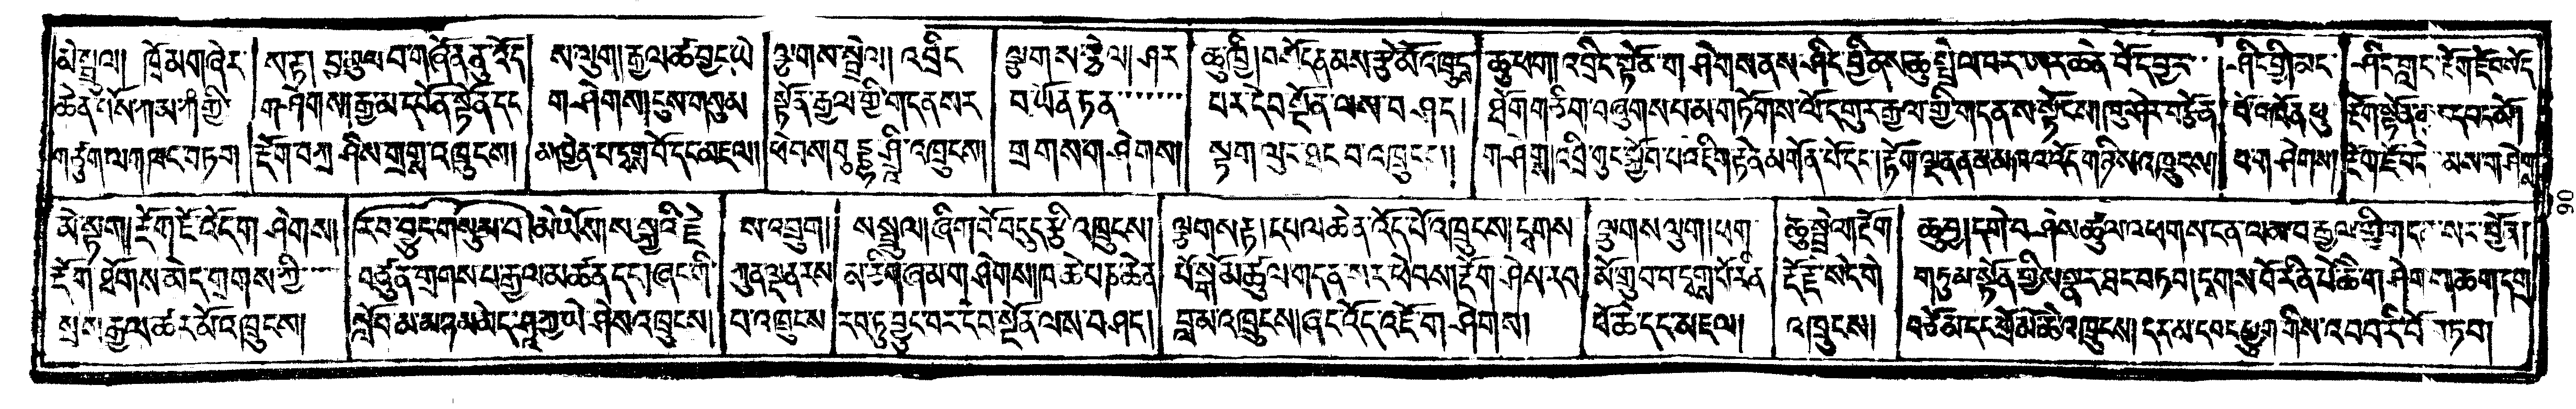མེ་སྦྲུལ། ཁྲོམ་གཞེར་ས་རྟ། བྱ་མུལ་བ་གཞོན་ནུ་འོད་ས་ལུག། རྒྱལ་ཚ་བྱང་ཡེ་ལྕགས་སྦྲེལ། འབྲིང་ལྕགས་སྕེལ། ཤར་ཆུ་ཁྱི། བསོད་ནམས་རྩེ་མོ་འཁྲུངས་ཆུ་ཕག །འབྲིང་སྟོན་གཤེགས་ནས་ཤིང་བྱི་ནས་ཆུ་སྤྲེལ་བར་ཨར་ཆེན་པོ་དབྱར་ཤི་བྱི། མང་ཤིང་གླང་རྡོག་ཇོ་བསོད་
ཆེན་པོས་ཀམ་ཀཾ་གྱི། གཤེགས། རྒྱ་མ་དཔོན་སྟོན་དང་། གཤེགས། རྒྱ་མ་དཔོན་སྟོན་དང་། གཤེགས། དུས་གསུམ་སྟོན་རྒྱལ་གྱི་གདན་སར་བ་ཡོན་ཏན་པར་དེབ་སྔོན་ལས་བཤད། ཐོག་གཅིག་བཞུགས་པ་མ་གཏོགས་ལོ་དགུར་རྒྱལ་གྱི་གདན་ས་སྟོངས། ཁུ་ཤེར་བརྩོན་བོ་འཁོན་ཕུ་རྡོག་སྟོན་ན?་དབང་མོ།
གཙུག་ལག་ཁང་བཏག་རྡོག་བཀྲ་ཤིས་གྲགས་འཁྲུངས། མཁྱེན་པ་དྭགས་བོ་དང་མཇལ། ཕེབས། བུདྡྷ་ཤྲཱི་འཁྲུངས། གྲགས་གཤེགས། སྟག་ལུང་ཐང་བ་འཁྲུངས། གཤེགས། འབྲི་གུང་སྐྱོབ་པ་འཇིག་རྟེན་མགོན་པོ་དང་། རྟོག་ལྡན་ནམ་མཁའ་འོད་གཉིས་འཁྲུངས། བ་གཤེགས། རྡོག་ཇོ་བདེ་མས་གཤེགས་
མེ་སྟག །རྡོག་ཇོ་འོད་གཤེགས། རབ་བྱུང་གསུམ་པ་མེ་ཡོས། ས་སྐྱའི་རྗེ་ས་འབྲུག། ས་སྦྲུལ། ཞིག་བོ་བདུད་རྩི་འཁྲུངས། ལྕགས་རྟ། དཔལ་ཆེན་འོད་པོ་འཁྲུངས། དྭགས་ལྕགས་ལུག །ཕག་ཆུ་སྦྲེལ། རྡོག་ཆུ་བྱ། དགེ་བཤེས་ཚུལ་འཕགས་ངན་ལམ་བརྒྱལ་གྱི་གདན་སར་བྱོན།
རྡོག་ཐོགས་མེད་གྲགས་ཀྱི་བཙུན་གྲགས་པ་རྒྱལ་མཚན་དང་། ཞང་གི་ཀུན་ལྡན་རས་མ་ཅིག་ཞམ་གཤེགས། ཁ་ཆེ་པཎ་ཆེན་པོ་སྒོ་མཚུལ་གདན་སར་ཕེབས། རྡོག་ཤེས་རབ་མོ་གྲུབ་པ་དྭགས་པོ་རིན་རྡོ་རྗེ་སེང་གེ་གཏུམ་སྟོན་གྱིས་སྣར་ཐང་བཏབ། དྭགས་བོ་རིན་པོ་ཆཻ་གཤེགས། ཆག་དགྲ་
སྲས་རྒྱལ་ཚར་མོ་འཁྲུངས། སློབ་མ་མཉམ་མེད་ཤཱཀྱ་ཡེ་ཤེས་འཁྲུངས། པ་འཁྲུངས་རབ་ཏུ་བྱུང་བར་དེ་བསྔོན་ལས་བཤད། བླ་མ་འཁྲུངས། ཞང་འོད་འཇོ་གཤེགས། བོ་ཆེ་དང་མཇལ། འཁྲུངས། བཅོམ་དང་གྲོམ་ཆེ་འཁྲུངས། དར་མ་དབང་མྱུག་གིས་འབབ་རི་བོ་བཏབ།